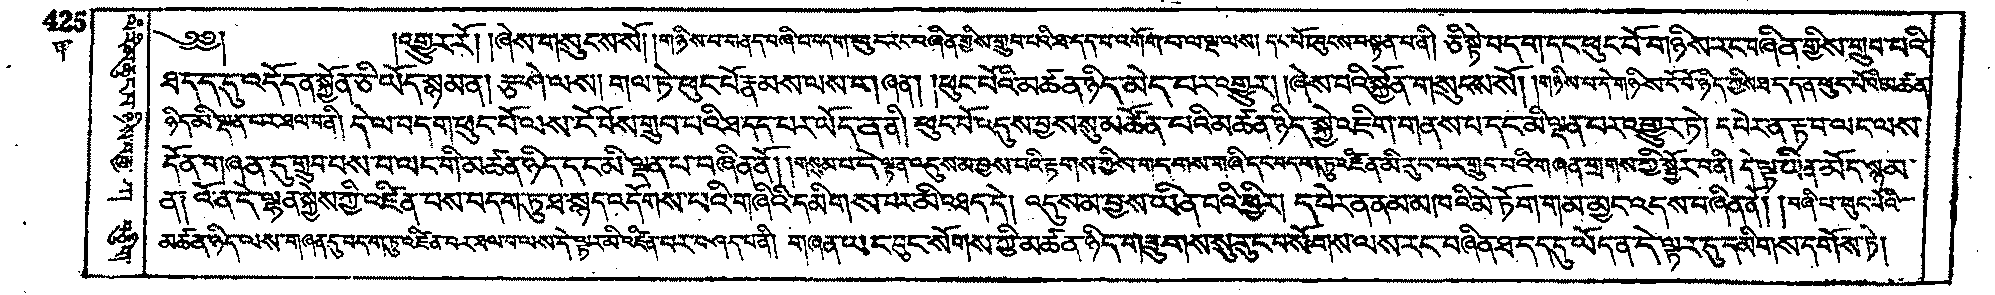༄༅། །འགྱུར་རོ། །ཞེས་གསུངས་སོ། །གཉིས་པ་གནད་བཞི་བ་བདག་ཕུང་རང་བཞིན་གྱིས་གྲུབ་པའི་ཐ་དད་པ་འགོག་པ་ལ་ལྔ་ལས། དང་པོ་ཁུངས་བསྟན་པ་ནི།  ཅི་སྟེ་བདག་དང་ཕུང་པོ་གཉིས་རང་བཞིན་གྱིས་གྲུབ་པའི་
ཐ་དད་དུ་འདོད་ན་སྐྱོན་ཅི་ཡོད་སྙམ་ན། རྩ་ཤེ་ལས། གལ་ཏེ་ཕུང་པོ་རྣམས་ལས་གཞན། །ཕུང་པོའི་མཚན་ཉིད་མེད་པར་འགྱུར། །ཞེས་པའི་སྐྱོན་གསུང་སོ། །གཉིས་པ་དེ་གཉིས་ངོ་བོ་ཉིད་ཀྱིས་ཐ་དད་ན་ཕུང་པོའི་མཚན་
ཉིད་མི་ལྡན་པར་ཐལ་བ་ནི། དེ་ལ་བདག་ཕུང་པོ་ལས་ངོ་བོས་གྲུབ་པའི་ཐ་དད་པར་ཡོད་ན་ནི། །ཕུང་པོ་འདུས་བྱས་སུ་མཚོན་པའི་མཚན་ཉིད་སྐྱེ་འཇིག་གནས་པ་དང་མི་ལྡན་པར་འགྱུར་ཏེ། དཔེར་ན་རྟ་བ་ལང་ལས་
དོན་གཞན་དུ་གྲུབ་པས་བ་ལང་གི་མཚན་ཉིད་དང་མི་ལྡན་པ་བཞིན་ནོ། །གསུམ་པ་དེ་ལྟ་ན་འདུས་མ་བྱས་པའི་རྟགས་ཀྱིས་གདགས་གཞི་དང་བདག་ཏུ་འཛིན་མི་རུང་བར་གྲུབ་པའི་གཞན་གྲགས་ཀྱི་སྦྱོར་བ་ནི།  དེ་ལྟ་ཡིན་མོད་སྙམ་
ན༑ འོ་ན་དེ་ལྷན་སྐྱེས་ཀྱིས་འཛིན་པས་བདག་ཏུ་ཐ་སྙད་འདོགས་པའི་གཞིའི་དམིགས་པར་མི་འཐད་དེ། འདུས་མ་བྱས་ཡིན་པའི་ཕྱིར། དཔེར་ན་ནམ་མཁའི་མེ་ཏོག་གམ་མྱང་འདས་བཞིན་ནོ། །བཞི་པ་ཕུང་པོའི་
མཚན་ཉིད་ལས་གཞན་དུ་བདག་ཏུ་འཛིན་པར་ཐལ་བ་ལས་དེ་ལྟར་མི་འཛིན་པར་བཤད་པ་ནི། གཞན་ཡང་བུང་སོགས་ཀྱི་མཚན་ཉིད་གཟུགས་སུ་རུང་བ་སོགས་ལས་རང་བཞིན་ཐ་དད་དུ་ཡོད་ན་དེ་ལྟར་དུ་དམིགས་དགོས་ཏེ།